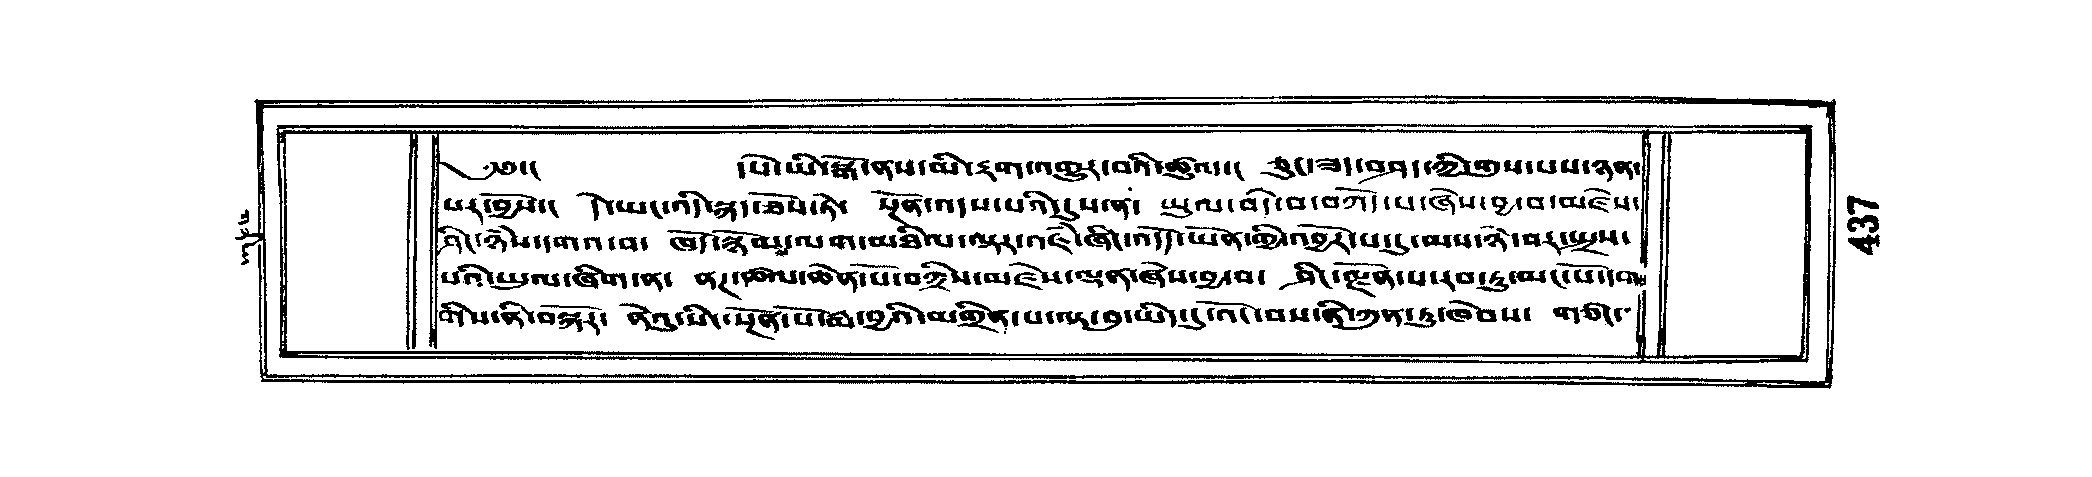།དཔེ་ཡི་སྒོ་ནས་མི་རྟག་འགྱུར་བའི་ཚུལ། །ཅུང་ཟད་བཤད་ཀྱི་གུས་པས་ཉན་
པར་བྱོས། དེ་ཡང་འདི་སྐད་ཐོས་ཏེ། སྔོན་འདས་པའི་དུས་ན། ཡུལ་བདེ་བ་བཀོད་པ་ཞེས་བྱ་བ་མཛེས་
ཤིང་ཉམས་དགའ་བ། ཁོད་སྙོམས་ལག་འཐིལ་ལྟར་འཇམ་ཞིང་འདོད་ཡོན་གྱི་འབྱོར་པ་དུ་མས་ཉེ་བར་སྤྲས་
པའི་ཡུལ་ཞིག་ན། ནགས་ཚལ་ཆེན་པོ་བཀྲ་ཤིས་མཛེས་ལྡན་ཞེས་བྱ་བ། ཤིང་ལྗོན་པ་རབ་ཏུ་མང་པོ་དག་
གིས་ནི་བསྐོར། ནེའུ་སིང་སྔོན་པོ་རྨ་བྱའི་མགྲིན་པ་ལྟ་བུ་ཡིད་དུ་འོང་བས་ནི་ཀུན་ཏུ་ཁེབས། གཙང་